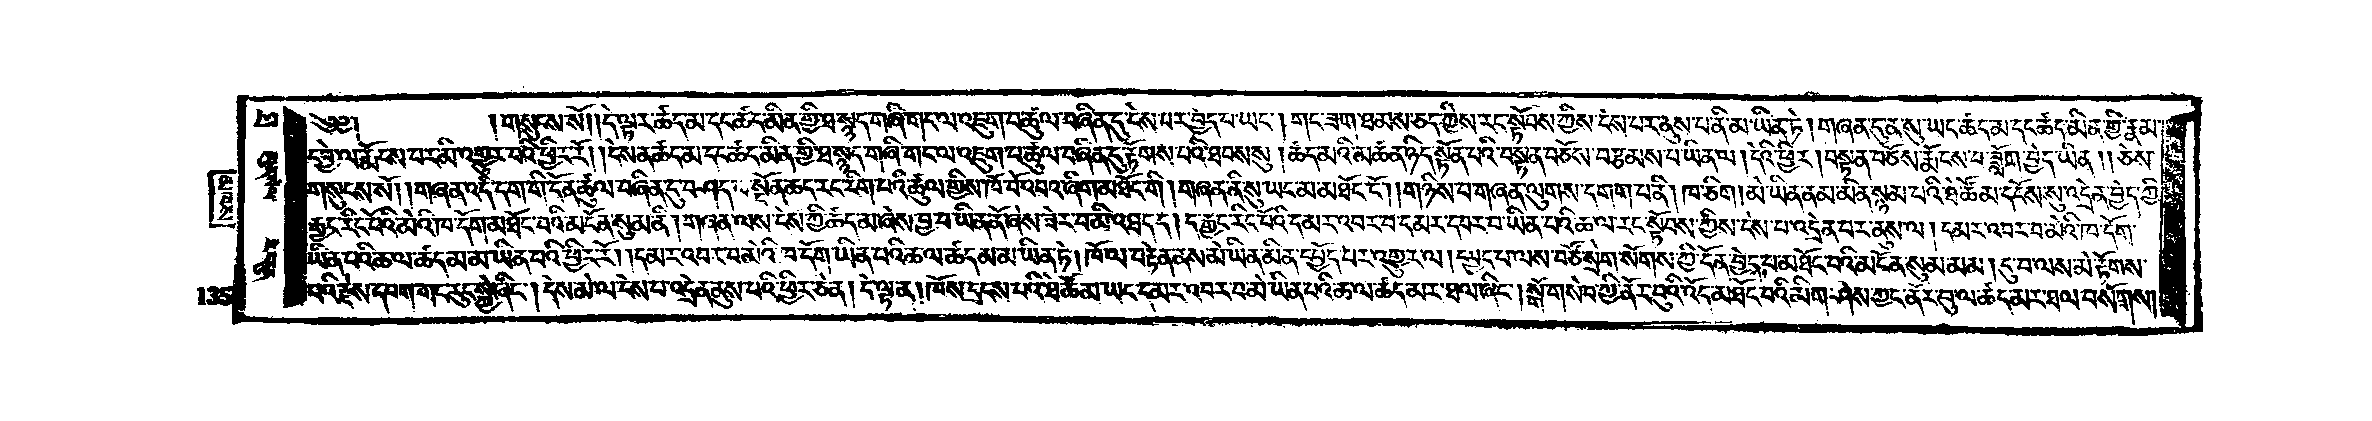༄༅། །གསུངས་སོ། །དེ་ལྟར་ཚད་མ་དང་ཚད་མིན་གྱི་ཐ་སྙད་གཞི་གང་ལ་འཇུག་པ་ཚུལ་བཞིན་དུ་ངེས་པར་བྱེད་པ་ཡང་། གང་ཟག་ཐམས་ཅད་ཀྱིས་རང་སྟོབས་ཀྱིས་ངེས་པར་ནུས་པ་ནི་མ་ཡིན་ཏེ། གཞན་དུ་ན་སུ་ཡང་ཚད་མ་དང་ཚད་མིན་གྱི་རྣམ་
དབྱེ་ལ་རྨོངས་པར་མི་འགྱུར་བའི་ཕྱིར་རོ། །དེས་ན་ཚད་མ་དང་ཚད་མིན་གྱི་ཐ་སྙད་གཞི་གང་ལ་འཇུག་པ་ཚུལ་བཞིན་དུ་རྟོགས་པའི་ཐབས་སུ། །ཚད་མའི་མཚན་ཉིད་སྟོན་པའི་བསྟན་བཅོས་བརྩམས་པ་ཡིན་ལ། དེའི་ཕྱིར། བསྟན་བཅོས་རྨོངས་པ་ཟློག་བྱེད་ཡིན། །ཅེས་
གསུངས་སོ། །གཞན་འདི་དག་གི་དོན་ཚུལ་བཞིན་དུ་བཤད་པ་སྔོན་ཆེད་རང་རིག་པའི་ཚུལ་གྱིས་ཁོ་བོ་འབའ་ཞིག་མཐོང་གི། །གཞན་ནི་སུ་ཡང་མ་མཐོང་ངོ། །གཉིས་པ་གཞན་ལུགས་དགག་པ་ནི། ཁ་ཅིག། མེ་ཡིན་ན་མ་མིན་སྙམ་པའི་ཐེ་ཚོམ་དངོས་སུ་འདྲེན་བྱེད་ཀྱི་
རྒྱང་རིང་པོའི་མེའི་ཁ་དོག་མཐོང་བའི་མངོན་སུམ་ནི། གཞན་ལས་ངེས་ཀྱི་ཚད་མ་ཞེས་བྱ་བ་ཡིན་ནོ་ཞེས་ཟེར་བ་མི་འཐད་དེ། དེ་རྒྱང་རིང་པོའི་དམར་འབར་བ་དམར་དབར་བ་ཡིན་པའི་ཆ་ལ་རང་སྟོབས་ཀྱིས་ངེས་པ་འདྲེན་པར་ནུས་ལ། དམར་འབར་བ་མེའི་ཁ་དོག་
ཡིན་པའི་ཆ་ལ་ཚད་མ་མ་ཡིན་པའི་ཕྱིར་རོ། །དམར་འབར་བ་མེའི་ཁ་དོག་ཡིན་པའི་ཆ་ལ་ཚད་མ་མ་ཡིན་ཏེ། ཁོ་ལ་བརྟེན་ནས་མ་ཡིན་མིན་དཔྱོད་པར་འགྱུར་ལ། དཔྱད་པ་ལས་བཙོ་སྲེག་སོགས་ཀྱི་དོན་བྱེད་པ་མཐོང་བའི་མངོན་སུམ་མམ། དུ་བ་ལས་མེ་རྟོགས་
པའི་རྗེས་དཔག་གང་རུང་སྐྱེ་ཞིང་། དེས་མི་ལ་ངེས་པ་འདྲེན་ནུས་པའི་ཕྱིར་ཅེ་ན། དེ་ལྟ་ན། ཁོས་དྲངས་པའི་ཐེ་ཚོམ་ཡང་དམར་འབར་བ་མེ་ཡིན་པའི་ཆ་ལ་ཚད་མར་ཐལ་ཞིང་། སྒོ་གསེབ་ཀྱི་ནོར་བུའི་འོད་མཐོང་བའི་མིག་ཤེས་ཀྱང་ནོར་བུ་ལ་ཚད་མར་ཐལ་བ་སོགས།